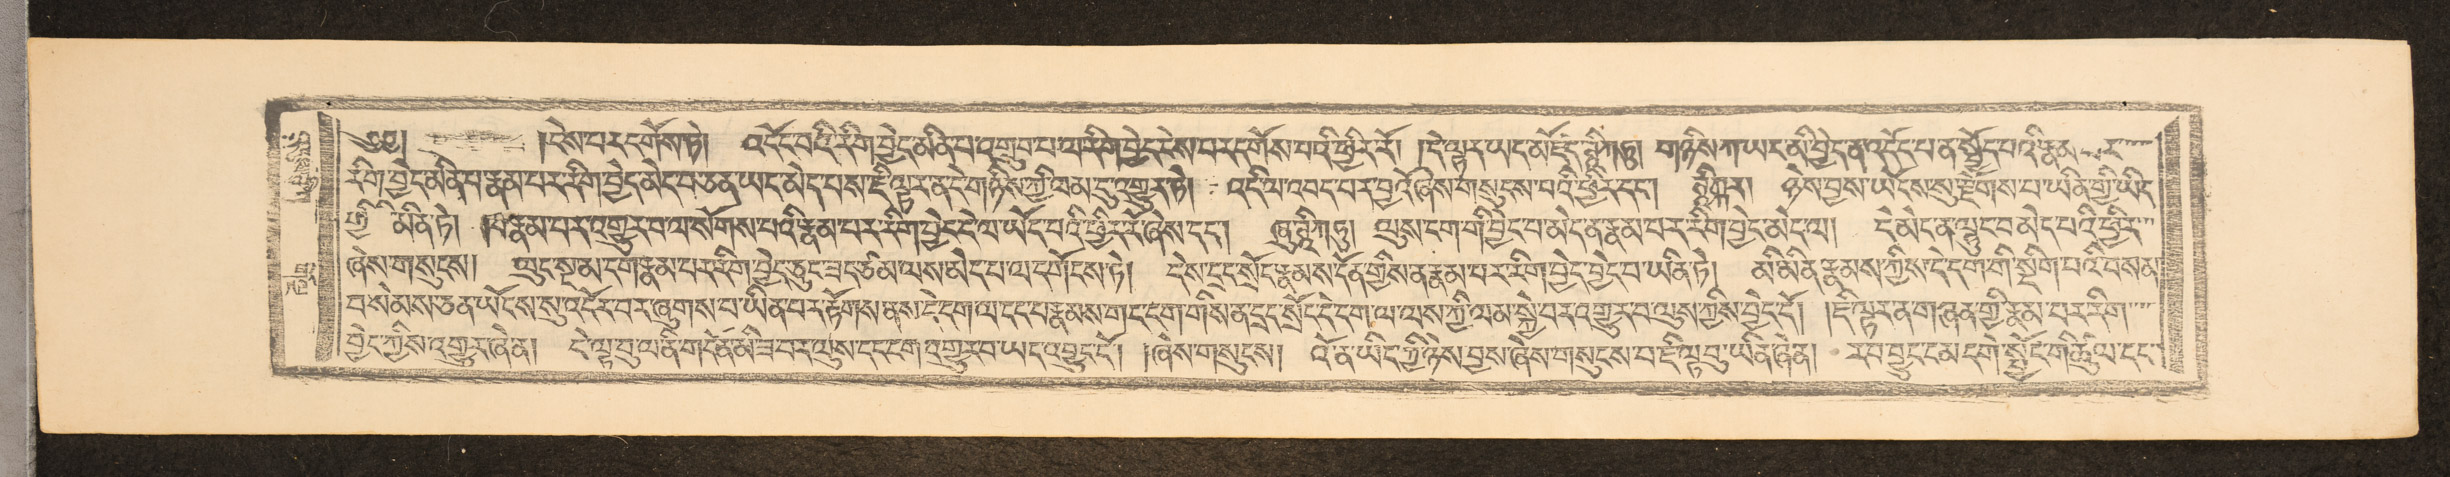༄༅། །ངེས་པར་དགོས་ཏེ། འདོད་པའི་རིག་བྱེད་མིན་པ་འགྲུབ་པ་ལ་རིག་བྱེད་ངེས་པར་དགོས་པའི་ཕྱིར་རོ། །དེ་ལྟར་ཡང་མཛོད་ཊཱིཀ་ཏུ། གཉིས་ཀ་ཡང་མི་བྱེད་ན་འདོད་པ་ན་སྤྱོད་པའི་རྣམ་པར་
རིག་བྱེད་མིན་པ་རྣམ་པར་རིག་བྱེད་མེད་པ་ཅན་ཡང་མེད་པས་ཇི་ལྟར་ན་དེ་གཉིས་ཀྱི་ལམ་དུ་འགྱུར་ཏེ། འདི་ལ་འབད་པར་བྱའོ་ཞེས་གསུངས་པའི་ཕྱིར་དང་། ཊཱིཀྐར། ཉེས་བྱས་ཡོངས་སུ་རྫོགས་པ་ཡིན་གྱི་ཡིད་
ཀྱི་ནི་མིན་ཏེ། ཁ་རྣམ་པར་འགྱུར་བ་ལ་སོགས་པའི་རྣམ་པར་རིག་བྱེད་དེ་ལ་ཡོད་པའི་ཕྱིར་རོ་ཞེས་དང་། ཞུ་ཊཱིཀ་ཏུ། ལུས་ངག་གི་བྱེད་པ་མེད་ན་རྣམ་པར་རིག་བྱེད་མེད་ལ། དེ་མེད་ན་ལྟུང་བ་མེད་པའི་ཕྱིར་
ཞེས་གསུངས། ལུང་སྔ་མ་དག་རྣམ་པར་རིག་བྱེད་ཅུང་ཟད་ཙམ་ལས་མེད་པ་ལ་དགོངས་ཏེ། དེས་དྲང་སྲོང་རྣམས་དོན་གྱིས་ན་རྣམ་པར་རིག་བྱེད་བྱེད་པ་ཡིན་ཏེ། མི་མིན་རྣམས་ཀྱིས་དེ་དག་གི་སྡིག་པའི་བསམ་
པ་སེམས་ཅན་ཡོངས་སུ་འདོར་བར་ཞུགས་པ་ཡིན་པར་རྟོགས་ནས་དེ་དག་ལ་དད་པ་རྣམས་གང་དག་གིས་ན་དྲང་སྲོང་དེ་དག་ལ་ལས་ཀྱི་ལམ་སྐྱེ་བར་འགྱུར་བ་ལུས་ཀྱིས་བྱེད་དོ། །ཇི་ལྟར་ན་གཞན་གྱི་རྣམ་པར་རིག་
བྱེད་ཀྱིས་འགྱུར་ཞེ་ན། དེ་ལྟ་བུ་ལ་ནི་གདོན་མི་ཟ་བར་ལུས་དང་ངག་འགྱུར་བ་ཡང་འབྱུང་ངོ། །ཞེས་གསུངས། འོ་ན་ཡིད་ཀྱི་ཉེས་བྱས་ཞེས་གསུངས་པ་ཇི་ལྟ་བུ་ཡིན་ཞེ་ན། རབ་བྱུང་ངམ་དགེ་སྦྱོང་གི་ཚུལ་དང་